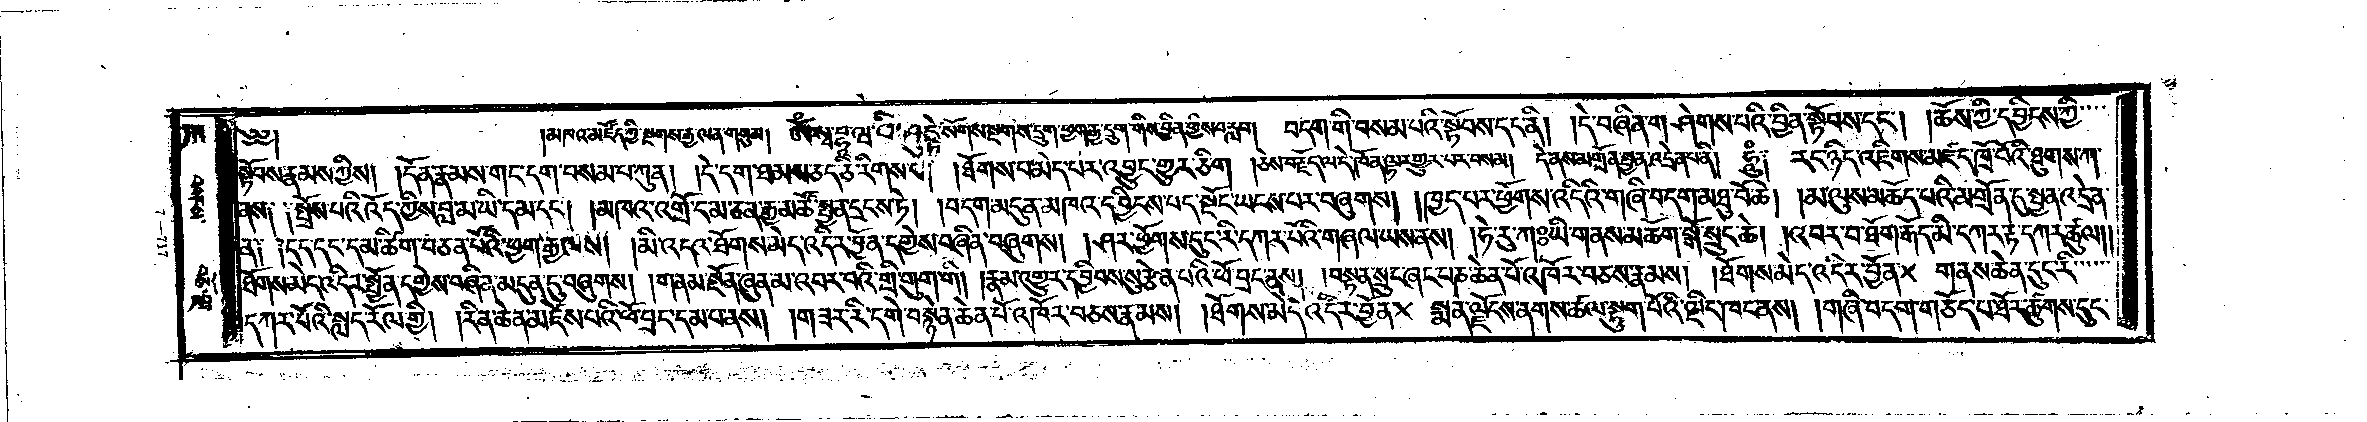༄༅། །མཁའ་མཛོད་ཀྱི་སྔགས་རྒྱ་ལན་གསུམ། ཨོཾ་སྭ་བྷཱ་ཝ་བི་ཤུདྡྷེ་སོགས་སྔགས་དྲུག་ཕྱག་རྒྱ་དྲུག་གིས་བྱིན་གྱིས་བརླབ།  བདག་གི་བསམ་པའི་སྟོབས་དང་ནི། །དེ་བཞིན་གཤེགས་པའི་བྱིན་སྟོབས་དང་། །ཆོས་ཀྱི་དབྱིངས་ཀྱི་
སྟོབས་རྣམས་ཀྱིས། །དོན་རྣམས་གང་དག་བསམ་པ་ཀུན། །དེ་དག་ཐམས་ཅད་ཅི་རིགས་བ། །ཐོགས་པ་མེད་པར་འབྱུང་གྱུར་ཅིག་།ཅེས་བརྗོད་ལ་དེ་ཁོ་ན་ལྟར་གྱུར་པར་བསམ། དེ་ནས་མགྲོན་སྤྱན་འདྲེན་པ་ནི།  ཧཱུཾ༑ རང་ཉིད་འཇིགས་མཛད་ཁྲོ་བོའི་ཐུགས་ཀ་
ནས༑  ༑སྤྲོས་པའི་འོད་ཀྱིས་བླ་མ་ཡི་དམ་དང་། །མཁའ་འགྲོ་དམ་ཅན་རྒྱ་མཚོ་སྤྱན་དྲངས་ཏེ། །བདག་མདུན་མཁའ་དབྱིངས་པད་སྡོང་ཡངས་པར་བཞུགས། །ཁྱད་པར་ཕྱོགས་འདིའི་གཞི་བདག་མཐུ་བོ་ཆེ། །མ་ལུས་མཆོད་པའི་མགྲོན་དུ་སྤྱན་འདྲེན་
ན༑ ༑དད་དང་དམ་ཚིག་བཅན་པོའི་ཕྱག་རྒྱ་ལས། །མི་འདའ་ཐོགས་མེད་འདིར་བྱོན་དགྱེས་བཞིན་བཞུགས། །ཤར་ཕྱོགས་དུང་རི་དཀར་བོའི་གཞལ་ཡས་ནས། །ཧེ་རུ་ཀཿ ཡི་གནས་མཆོག་སྒོ་སྲུང་ཆེ། །འབར་བ་ཐོག་རྒོད་མི་དཀར་རྟ་དཀར་ཚུལ།
ཐོགས་མེད་འདིར་བྱོན་དགྱེས་བཞིན་མདུན་དུ་བཞུགས། །གནམ་སྔོན་ཞུན་མ་འབར་བའི་གྲི་གུག་གི། །རྣམ་འགྱུར་དབྱིབས་སུ་རྩེན་པའི་ཕོ་བྲང་ནས། །བསྟན་སྲུང་ཞང་པཎ་ཆེན་པོ་འཁོར་བཅས་རྣམས། །ཐོགས་མེད་འདིར་བྱོན་྾་གནས་ཆེན་དུང་རི་
དཀར་པོའི་སླང་རོལ་གྱི། །རིན་ཆེན་མཛེས་པའི་ཕོ་བྲང་དམ་པ་ནས། །གཟར་རི་དགེ་བསྙེན་ཆེན་པོ་འཁོར་བཅས་རྣམས། །ཐོགས་མེད་འདིར་བྱོན་྾་སྨན་ལྗོངས་ནགས་ཚལ་སྟུག་པོའི་ལྡིང་ཁང་ནས། །གཞི་བདག་གཅོད་པ་ཐོར་ཚུགས་དུང་